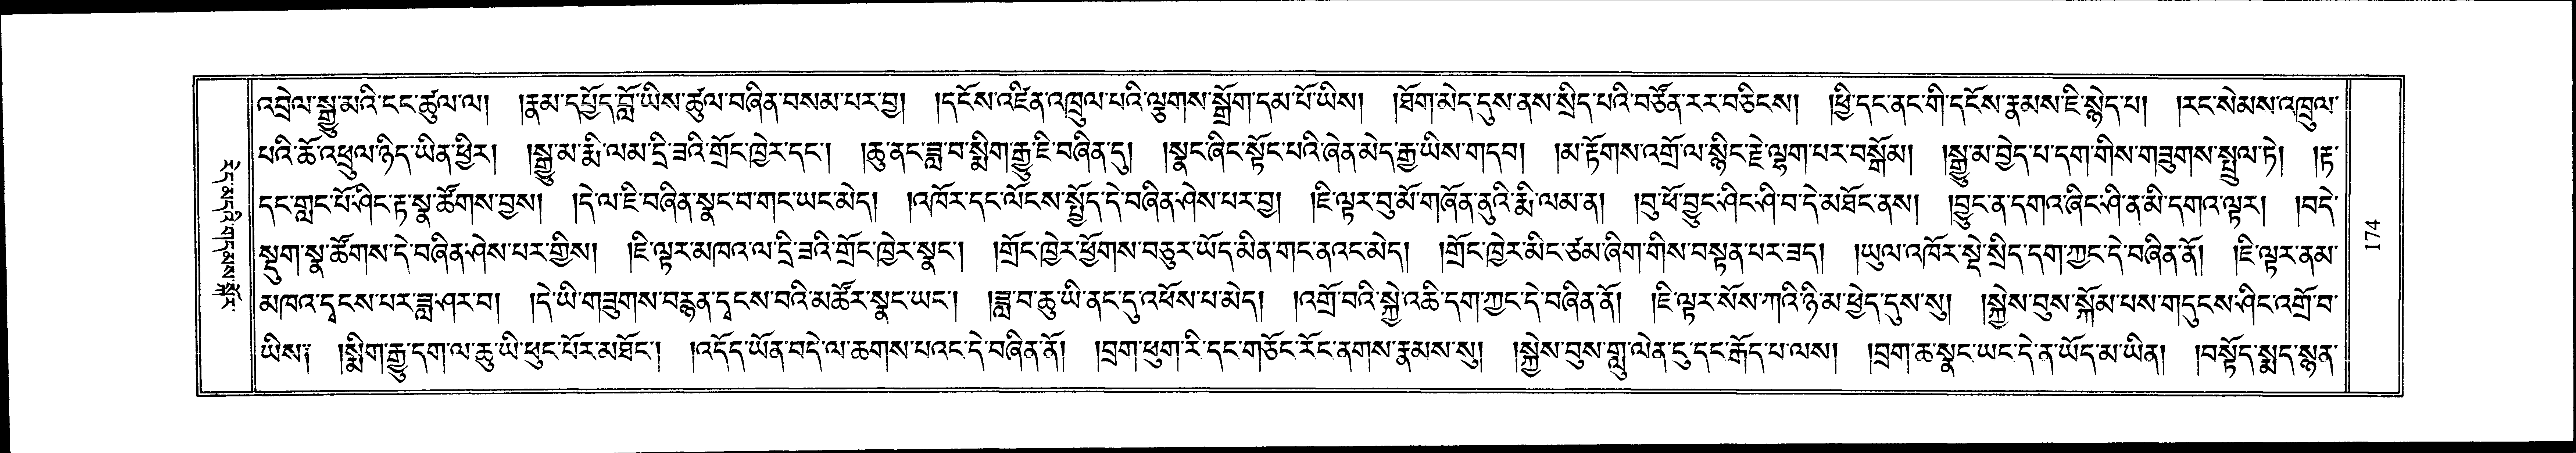འབྲེལ་སྒྱུ་མའི་ངང་ཚུལ་ལ། །རྣམ་དཔྱོད་བློ་ཡིས་ཚུལ་བཞིན་བསམ་པར་བྱ། །དངོས་འཛིན་འཁྲུལ་པའི་ལྕགས་སྒྲོག་དམ་པོ་ཡིས། །ཐོག་མེད་དུས་ནས་སྲིད་པའི་བཙོན་རར་བཅིངས། །ཕྱི་དང་ནང་གི་དངོས་རྣམས་ཇི་སྙེད་པ། །རང་སེམས་འཁྲུལ་
པའི་ཆོ་འཕྲུལ་ཉིད་ཡིན་ཕྱིར། །སྒྱུ་མ་རྨི་ལམ་དྲི་ཟའི་གྲོང་ཁྱེར་དང་། །ཆུ་ནང་ཟླ་བ་སྨིག་རྒྱུ་ཇི་བཞིན་དུ། །སྣང་ཞིང་སྟོང་པའི་ཞེན་མེད་རྒྱ་ཡིས་གདབ། །མ་རྟོགས་འགྲོ་ལ་སྙིང་རྗེ་ལྷག་པར་བསྒོམ། །སྒྱུ་མ་བྱེད་པ་དག་གིས་གཟུགས་སྤྲུལ་ཏེ། །རྟ་
དང་གླང་པོ་ཤིང་རྟ་སྣང་ཚོགས་བྱས། །དེ་ལ་ཇི་བཞིན་སྣང་བ་གང་ཡང་མེད། །འཁོར་དང་ལོངས་སྤྱོད་དེ་བཞིན་ཤེས་པར་བྱ། །ཇི་ལྟར་བུ་མོ་གཞོན་ནུའི་རྨི་ལམ་ན། །བུ་ཕོ་བྱུང་ཤིང་ཤི་བ་དེ་མཐོང་ནས། །བྱུང་ན་དགའ་ཞིང་ཤི་ན་མི་དགའ་ལྟར། །བདེ་
སྡུག་སྣ་ཚོགས་དེ་བཞིན་ཤེས་པར་གྱིས། །ཇི་ལྟར་མཁའ་ལ་དྲི་ཟའི་གྲོང་ཁྱེར་སྣང་། །གྲོང་ཁྱེར་ཕྱོགས་བཅུར་ཡོད་མིན་གང་ནའང་མེད། །གྲོང་ཁྱེར་མིང་ཙམ་ཞིག་གིས་བསྟན་པར་ཟད། །ཡུལ་འཁོར་སྡེ་སྲིད་དག་ཀྱང་དེ་བཞིན་ནོ། །ཇི་ལྟར་ནམ་
མཁའ་དྭངས་པར་ཟླ་ཤར་བ། །དེ་ཡི་གཟུགས་བརྙན་དྭངས་པའི་མཚོར་སྣང་ཡང་། །ཟླ་བ་ཆུ་ཡི་ནང་དུ་འཕོས་པ་མེད། །འགྲོ་བའི་སྐྱེ་འཆི་དག་ཀྱང་དེ་བཞིན་ནོ། །ཇི་ལྟར་སོས་ཀའི་ཉི་མ་ཕྱེད་དུས་སུ། །སྐྱེས་བུས་སྐོམ་པས་གདུངས་ཤིང་འགྲོ་བ་
ཡིས། །སྨིག་རྒྱུ་དག་ལ་ཆུ་ཡི་ཕུང་པོར་མཐོང་། །འདོད་ཡོན་བདེ་ལ་ཆགས་པའང་དེ་བཞིན་ནོ། །བྲག་ཕུག་རི་དང་གཅོང་རོང་ནགས་རྣམས་སུ། །སྐྱེས་བུས་གླུ་ལེན་ངུ་དང་རྒོད་པ་ལས། །བྲག་ཆ་སྣང་ཡང་དེ་ན་ཡོད་མ་ཡིན། །བསྟོད་སྨད་སྙན་